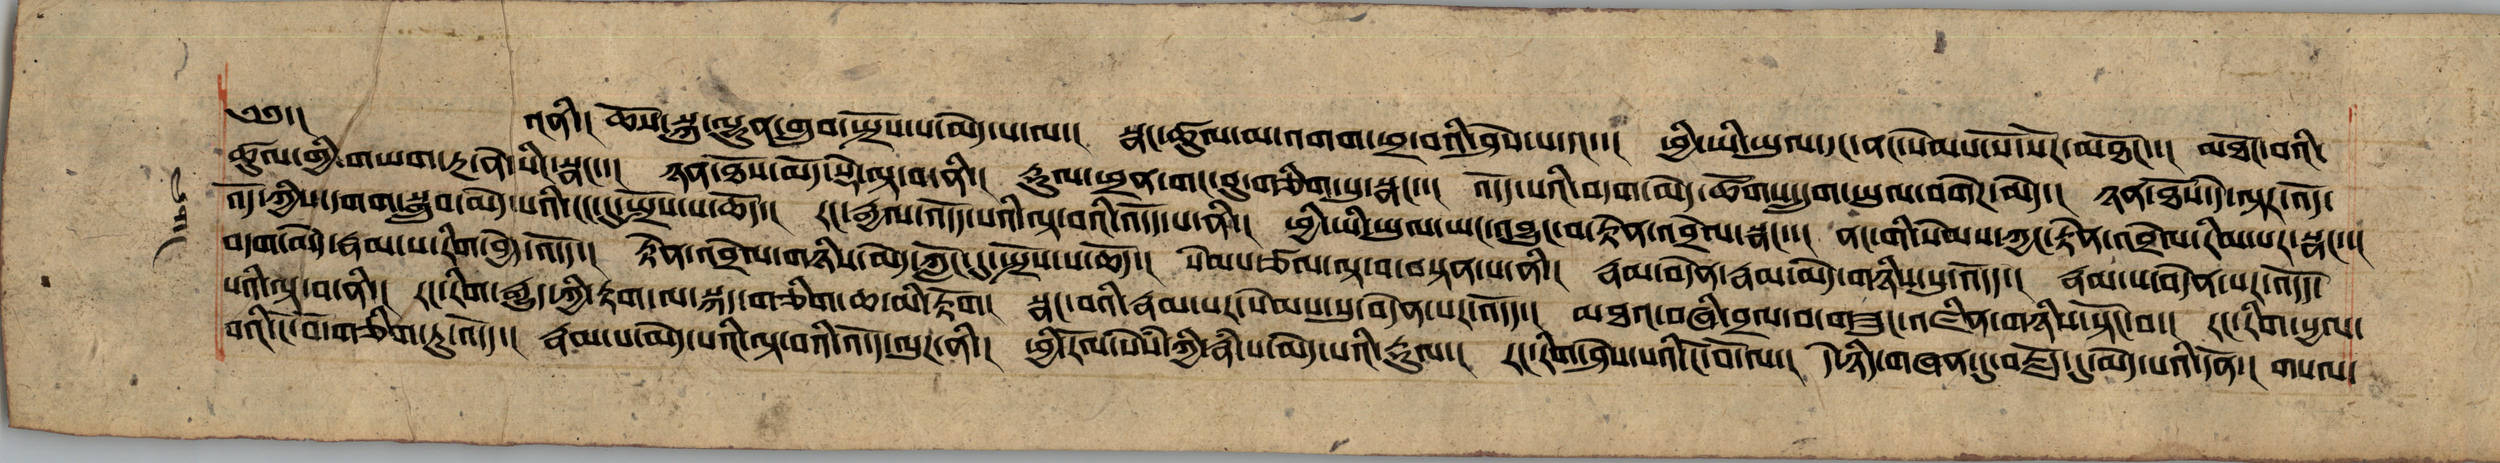༄༅་། ་།ནི་། ཆོས་སྐུ་ལྷུན་གྲུབ་སྤྲོས་པ་མེད་པ་ལ་། སྣང་ཚུལ་མ་འགག་ཕྲ་བའི་ཤེས་པ་དང་་། ཕྱི་ཡི་ཡུལ་དང་ནང་སེམས་སོ་སོར་མཐོང་་། མཐོང་བའི་
ཚུལ་གྱི་གཡག་རྔ་ནེ་སིང་སྣང་་། ཉན་ཐོས་མདོ་སྡེ་ལྟ་བ་ནི་། རྡུལ་ཕྲན་གང་བུ་གཅིག་པུ་སྣང་་། འདོད་པའི་བདག་མེད་ཚོགས་དྲུག་ཡུལ་བགེཌ་མེད་། ཉན་ཐོས་དེ་ལྟར་འོད་
འོད་ཀྱིས་དགག་སྒྲུབ་མེད་པའི་ངང་དུ་སྤྲོས་པ་ཆོད་། རང་རྒྱལ་འོདད་པའི་ལྟ་བའི་འདོད་པ་ནི་། ཕྱི་ཡི་ཡུལ་ཡང་འབྱུང་བ་རྟེན་འབྲེལ་སྣང་་། ནང་གི་སེམས་ཀྱང་རྟེན་འབྲེལ་རིམ་པར་སྣང་་།
བདག་མེད་རྣམ་པ་རིག་བྱེད་འདོད་། རྟེན་འབྲེལ་གཉིས་མེད་ཀློང་དུ་སྤྲོས་པ་ཆོད་། སེམས་ཙལ་ལྟ་བ་བསྟན་པ་ནི་། རྣམ་བདེན་རྣམ་མེད་གཉིས་སུ་འདོད་། རྣམ་པ་བདེན་པར་འདོད་
པའི་ལྟ་བ་ནི་། རང་རིག་རྒྱུད་ཀྱི་རྟག་ལ་སྐད་གཅིག་ཆ་མི་རྟོག་། སྣང་བའི་རྣམ་པར་སེམས་སུ་བདེན་པར་འདོད་། མཐའ་བཞི་བྲལ་བ་གཟུང་འཛིན་གཉིས་སྟོང་བ་། རང་རིག་སྱལ་
བའི་ངོ་བོ་གཅིག་ཏུ་འདོད་། རྣམ་པ་མེད་པའི་ལྟ་བའི་འདོད་ལུཌ་ནི་། ཕྱི་རོལ་སེཾས་ཀྱི་རྣཾ་པ་མེད་པའི་རྡུལ་། རང་རིག་ཤེས་པའི་ངོ་བོ་ལ་། དེ་ཉིད་གཞན་དུ་བརྗོད་དུ་མེད་པའི་དོན་། གསལ་